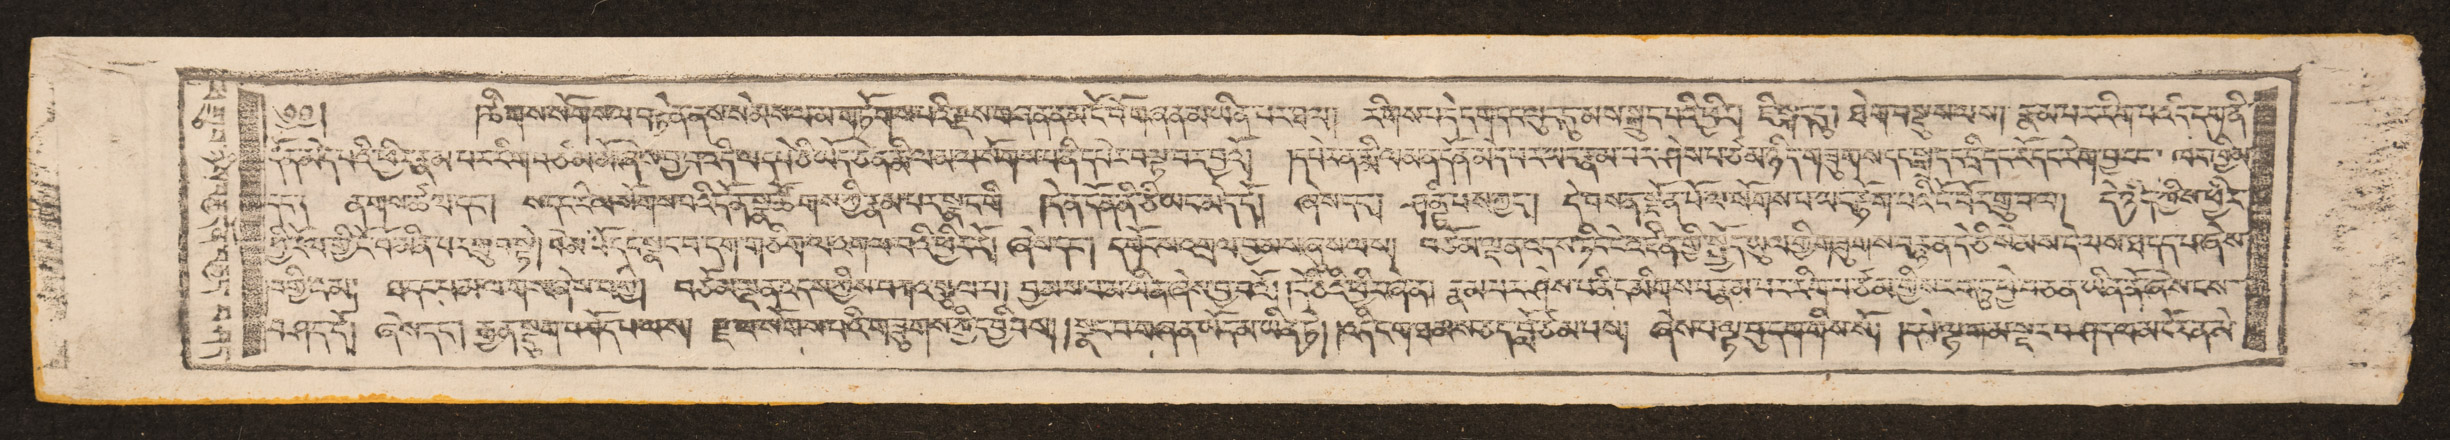༄༅། །ཚིགས་སོགས་ལ་བརྟེན་ནས་སེམས་པ་མ་གཏོགས་པའི་རྫས་གཞན་ནམ་ངོ་བོ་གཞན་མ་ཡིན་པར་ཐལ། རིགས་པ་དེ་དག་དང་ལུང་དུ་མས་སྒྲུང་པའི་ཕྱིར། ཇི་སྐད་དུ། ཐེག་བསྡུས་ལས། རྣམ་པར་རིག་པ་འདིད་?་གཞི་དོན་མེད་
པའི་ཕྱིར་རྣམ་པར་རིག་པ་ཙམ་མོ་ཞེས་བྱ་བ་འདི་ལ་དཔེ་ཅི་ཡོད་ཅེན་རྨི་ལམ་ལ་སོགས་པ་ནི་དཔེར་བལྟ་བར་བྱའོ། །དཔེར་ན་རྨི་ལམ་ན་དོན་མེད་པར་ཡང་རྣམ་པར་ཤེས་པ་ཙམ་ཉིད་གཟུགས་དང་སྒྲ་དང་དྲི་དང་རོ་དང་རེག་བྱ་དང་། ཁང་ཁྱིམ་དང་།
ནགས་ཚལ་དང་། ས་དང་རི་ལ་སོགས་པའི་དོན་སྣ་ཚོགས་ཀྱི་རྣམ་པར་སྣང་གི་དེ་ན་དོན་ནི་ཅི་ཡང་མེད་དོ། ཞེས་དང་། ཤནྟི་བས་ཀྱང་། དེ་བས་ན་སྔོན་པོ་ལ་སོགས་པ་ཡང་རྟོག་པའི་ངོ་བོར་གྲུབ་ལ། དེ་ཉིད་ཀྱིས་ཕྱིར་ཕྱི་རོལ་གྱི་ངོ་བོ་མིན་
པར་གྲུབ་སྟེ། བེམ་པོ་དང་སྣང་བདག་གཅིག་ལ་འགལ་བའི་ཕྱིར་རོ། ཞེས་དང་། དགོངས་འགྲེལ་བྱམས་ཞུས་ལས། བཅོམ་ལྡན་འདས་ཏིང་ངེ་འཛིན་གྱི་སྤྱོད་ཡུལ་གྱི་གཟུགས་བརྙན་དེ་ཅི་སེམས་དེ་ལས་ཐ་དད་པ་ཞེས་བགྱི་
འམ༑ ཐ་དད་པ་མ་ལགས་ཞེས་བགྱི། བཅོམ་ལྡན་འདས་ཀྱིས་བཀའ་སྩལ་བ། བྱམས་པ་མ་ཡིན་ཞེས་བྱ་བའོ། །དེ་ཅིའི་ཕྱིར་ཞེ་ན། རྣམ་པར་ཤེས་པ་ནི་དམིགས་པ་རྣམ་པར་རིག་པ་ཙམ་གྱིས་རབ་ཏུ་ཕྱེ་བ་ཅན་ཡིན་ནོ་ཞེས་
བས་བཤད་དོ། ཞེས་དང་། རྒྱན་སྡུག་བཀོད་པ་ལས། རྫ་ལ་སོགས་པའི་གཟུགས་ཀྱི་དབྱིབས། །སྣང་བ་གཞན་ཡོད་མ་ཡིན་ཏེ། །འདི་དག་ཐམས་ཅད་བློ་ཙམ་བས། ཞེས་པ་ལྟ་བུ་དག་གིས་སོ། །དཔེ་ལྷག་མ་སྔར་བཤད་ལ་མདོར་ན་མེ་